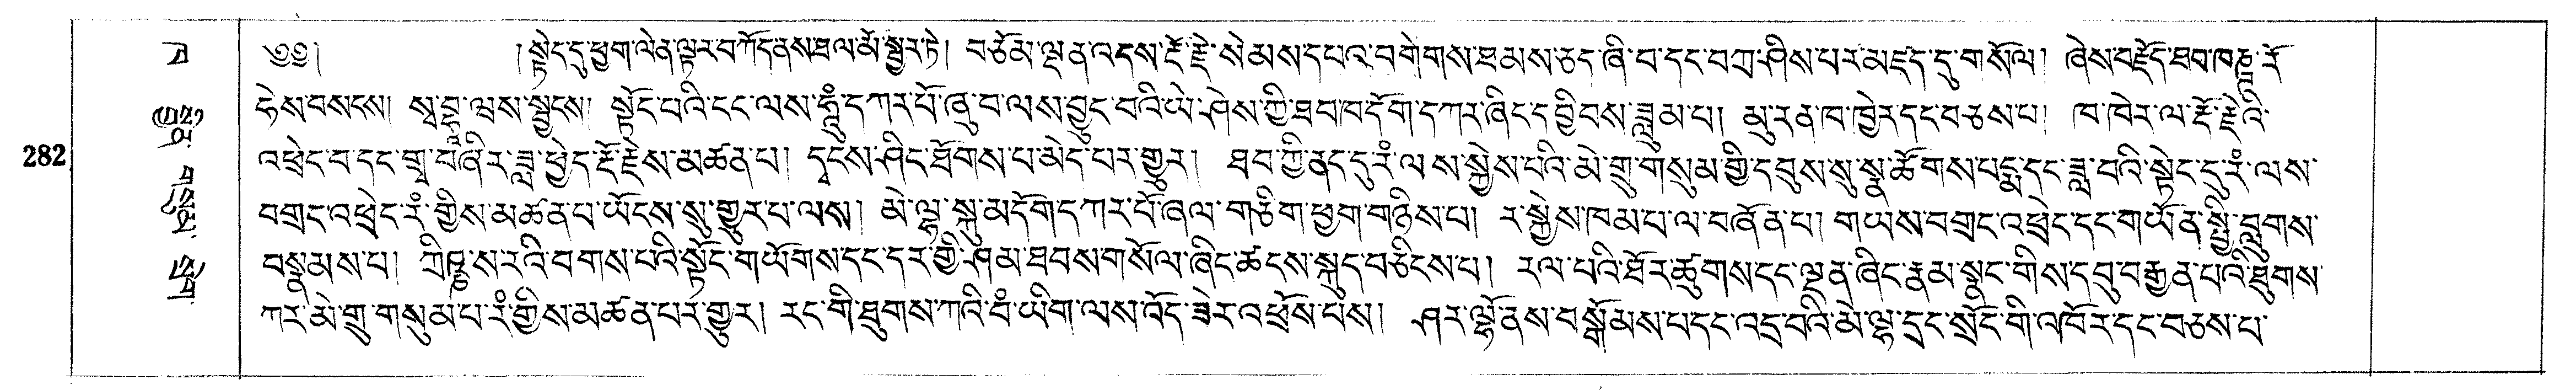༄༅། །སྟེང་དུ་ཕྱག་ལེན་ལྟར་བཀོད་ནས་ཐལ་མོ་སྦྱར་ཏེ། བཅོམ་ལྡན་འདས་རྡོ་རྗེ་སེམས་དཔའ་བགེགས་ཐམས་ཅད་ཞི་བ་དང་བཀྲ་ཤིས་པར་མཛད་དུ་གསོལ། ཞེས་བརྗོད། ཐག་པདམ་དོག་?
ཧེས་བསངས། སྭ་བྷཱ་ཝས་སྦྱངས། སྟོང་པའི་དང་ལས་ཧཱུཾ་དཀར་པོ་ཞུ་བ་ལས་བྱུང་བའི་ཡེ་ཤེས་ཀྱི་ཐབ་ཁ་དོག་དཀར་ཞིང་དབྱིབས་ཟླུམ་པ། མུ་རན་ཁ་ཁྱེར་དང་བཅས་པ། ཁ་ཁྱེར་ལ་རྡོ་རྗེའི་
འཕྲེང་བ་དང་གྲྭ་བཞིར་ཟླ་ཕྱེད་རྡོ་རྗེས་མཚན་པ། དྭངས་ཤིང་ཐོགས་པ་མེད་པར་གྱུར། ཐབ་ཀྱི་ནང་དུ་རཾ་ལས་སྐྱེས་པའི་མེ་གྲུ་གསུམ་གྱི་དབུས་སུ་སྣ་ཚོགས་པདམ་དང་ཟླ་བའི་སྟེང་དུ་རཾ་ལས་
བགྲང་འཕྲེང་རཾ་གྱིས་མཚན་པ་ཡོངས་སུ་གྱུར་པ་ལས། མེ་ལྷ་སྐུ་མདོག་དཀར་པོ་ཞལ་གཅིག་ཕྱག་གཉིས་པ། ར་སྐྱེས་ཁམ་པ་ལ་བཞོན་པ། གཡས་བགྲང་འཕྲེང་དང་གཡོན་སྤྱི་བླུགས་
བསྣམས་པ། ཀྲིཥྞ་?་ས་རའི་བགས་པའི་སྟོད་གཡོགས་དང་དར་གྱི་ཤམ་ཐབས་གསོལ་ཞིང་ཚངས་སྐུད་བཅིངས་པ། རལ་པའི་ཐོར་ཚུགས་དང་ལྡན་ཞིང་རྣམ་སྣང་གིས་དབུ་བརྒྱན་པའི་ཐུགས་?
ཀར་མེ་གྲུ་གསུམ་པ་རཾ་གྱིས་མཚན་པར་གྱུར། རང་གི་ཐུགས་ཀའི་རཾ་ཡིག་ལས་འོད་ཟེར་འཕྲོས་པས། ཤར་ལྷོ་ནས་བསྒོམས་པ་དང་འདྲ་བའི་མེ་ལྷ་དྲང་སྲོང་གི་འཁོར་དང་བཅས་པ་ཨོཾ་